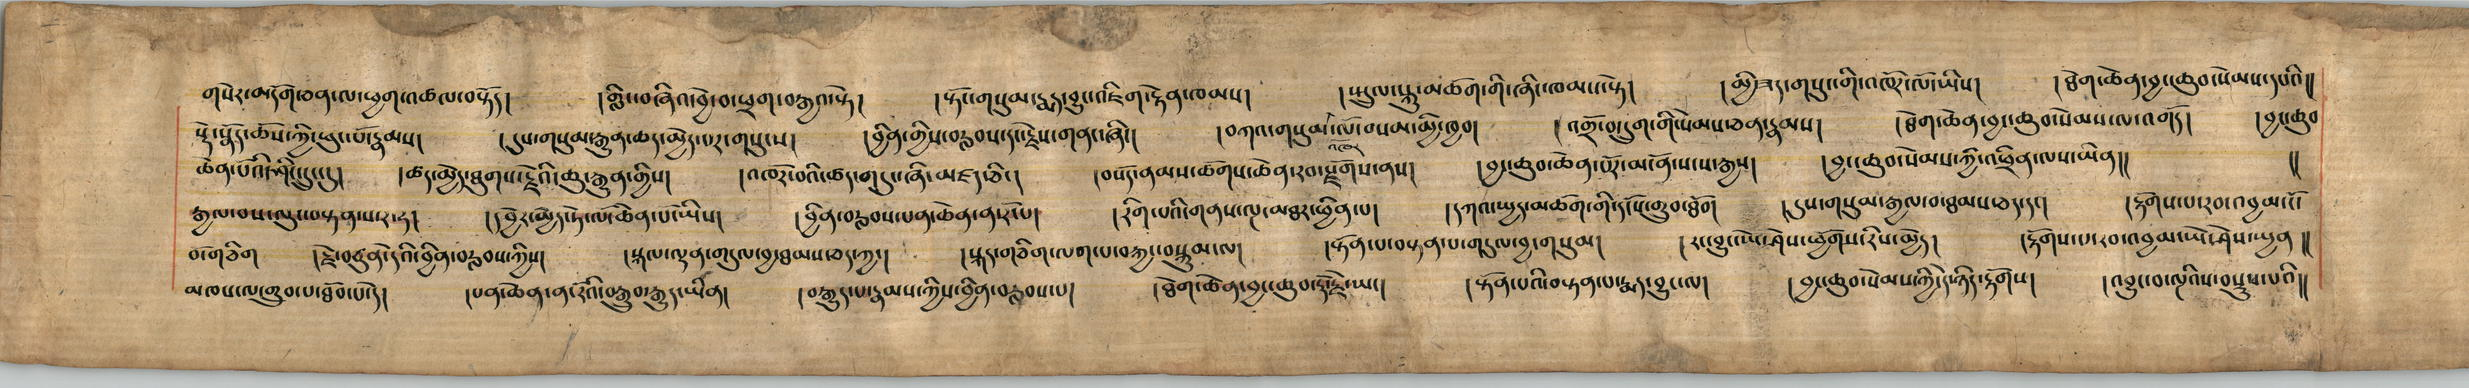གསེར་མདོག་ཅན་ལ་ཕྱག་འཚལ་བསྟོད། །གླིང་བཞིའ་བྱེ་བ་ཕྲག་བརྒྱའ་སྟེ། །སྟོང་གསུམ་རྨད་དུ་བྱུང་འཇིག་རྟེན་ཁམས། །སྤྲུལ་སྐུ་མཆོག་གི་ཞཱིང་ཁམས་སྟེ། །མྱི་ཟད་གསུང་གི་འཁོར་ལོ་ཡིས། །ཐེག་ཆེན་བྱང་ཆུབ་སེམས་དཔའི།།
སྡེ་སྣོད་ཆོས་ཀྱི་ཕུང་པོ་རྣམས། ། དུས་གསུམ་རྒྱུན་ཆད་མྱེད་པར་གསུངས། །བྱིན་གྱིས་བརླབས་དང་རྗེས་གནང་ཞིང་། ། བཀའ་གསུམ་འཁོར་ལོ་བསམ་མི་ཁྱབ། ། འགྲོ་བ་དྲུག་གི་སེམས་ཅན་རྣམས། ། ཐེག་ཆེན་བྱང་ཆུབ་སེམས་ལ་འགོད། ། བྱང་ཆུབ
ཆེན་པོའི་ཤིང་དྲུང་དུ། །ཚད་མྱེད་ཐུགས་རྗེའི་ཆུ་རྒྱུན་གྱིས། །འཁོར་བའི་ཚད་གདུང་ཞིང་མཛད་ཅིང། །བསོད་ནམས་ཚོགས་ཆེན་རབ་རྫོགས་ནས། །བྱང་ཆུབ་ཆེན་པོར་མངོན་སངས་རྒྱས། །བྱང་ཆུབ་སེམས་ཀྱི་འཕྲིན་ལས་ཡིན།།
རྒྱལ་པས་ལུང་བསྟན་ས་ར་ཧ། །དབྱེར་མྱེད་ཏེ་ལོ་ཆེན་པོ་ཡིས། །བྱིན་བརླབས་པན་ཆེན་ན་རོ་པ། །རིག་པའི་གནས་ལྔ་མཐར་ཕྱིན་པ། །དཀའ་སྤྱད་མཆོག་གི་དངོས་གྲུབ་རཐོབ། །དུས་གསུམ་རྒྱལ་བ་ཐམས་ཅད་དང། །རྟོགས་པ་རབ་འབྱམ་ངོ་
བོ་གཅིག །རྗེ་བཙུན་དེའི་བྱིན་བརླབས་ཀྱིས། །སྐལ་ལྡན་གདུལ་བུ་ཐམས་ཅད་ཀྱང། །སྐད་གཅིག་ལག་པ་བརྐྱང་བསྐུམ་ལ། །སྟོན་པ་བསྟན་པ་གདུལ་བྱ་གསུམ། །རང་བྱུང་ཡེ་ཤེས་ཕྱོགས་རིས་མྱེད། །རྟོགས་པ་རབ་འབྱམ་ཡེ་ཤེས་སྤྱན །།
མཁས་ལ་གྲུབ་པ་ཐོབ་པ་དེ། །པན་ཆེན་ན་རོའི་བསྒྲུབ་རྒྱུད་ཡིན། །བརྒྱུད་པ་རྣམས་ཀྱིས་བྱིན་བརླབས་པ། །ཐེག་ཆེན་བྱང་ཆུབ་རྡོ་རྗེ་ཡང། །སྟོན་པའི་བསྟན་པ་རྨད་དུ་བྱུང་ལ། །བྱང་ཆུབ་སེམས་ཀྱི་དེ་ཉིད་རྟོགས། །འབྱུང་བ་ལྔའིས་བསྡུས་པའི།།